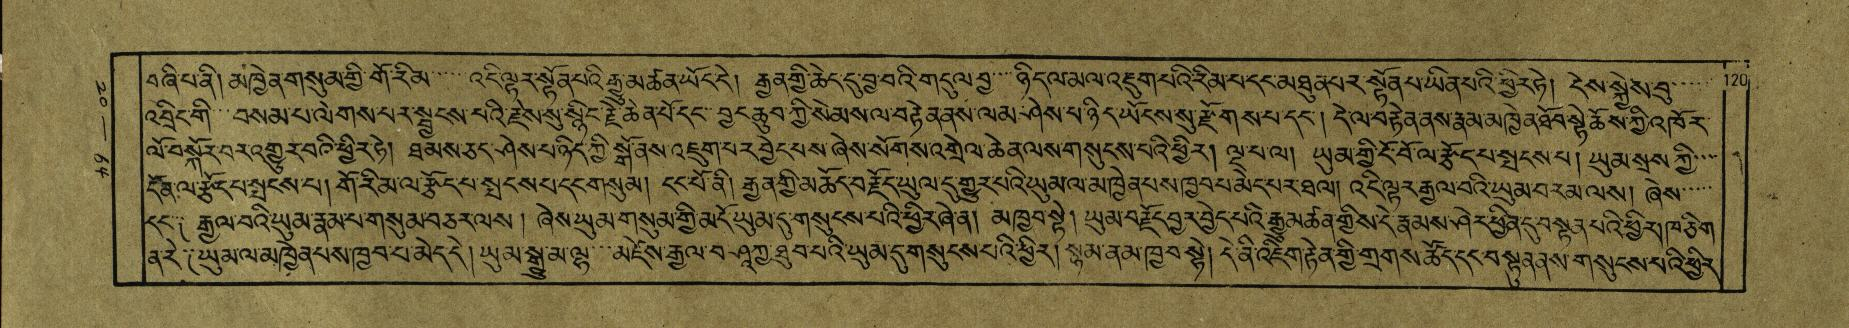བཞི་པ་ནི། མཁྱེན་གསུམ་གྱི་གོ་རིམ་འདི་ལྟར་སྟོན་པའི་རྒྱུ་མཚན་ཡོད་དེ། རྒྱན་གྱི་ཆེད་དུ་བྱ་བའི་གདུལ་བྱ་ཉིད་ལམ་ལ་འཇུག་པའི་རིམ་པ་དང་མཐུན་པར་སྟོན་པ་ཡིན་པའི་ཕྱིར་ཏེ། དེས་སྐྱེས་བུ་
འབྲིང་གི་བསམ་པ་ལེགས་པར་སྦྱངས་པའི་རྗེས་སུ་སྙིང་རྗེ་ཆེན་པོ་དང་བྱང་ཆུབ་ཀྱི་སེམས་ལ་བརྟེན་ནས་ལམ་ཤེས་པ་ཉིད་ཡོངས་སུ་རྫོགས་པ་དང་། དེ་ལ་བརྟེན་ནས་རྣམ་མཁྱེན་ཐོབ་སྟེ་ཆོས་ཀྱི་འཁོར་
ལོ་བསྐོར་བར་འགྱུར་བའི་ཕྱིར་ཏེ། ཐམས་ཅད་ཤེས་པ་ཉིད་ཀྱི་སྒོ་ནས་འཇུག་པར་བྱེད་པས་ཞེས་སོགས་འགྲེལ་ཆེན་ལས་གསུངས་པའི་ཕྱིར། ལྔ་པ་ལ། ཡུམ་གྱི་ངོ་བོ་ལ་རྩོད་པ་སྤངས་པ། ཡུམ་སྲས་ཀྱི་
དོན་ལ་རྩོད་པ་སྤངས་པ། གོ་རིམ་ལ་རྩོད་པ་སྤངས་པ་དང་གསུམ། དང་པོ་ནི། རྒྱན་གྱི་མཆོད་བརྗོད་ཡུལ་དུ་གྱུར་པའི་ཡུམ་ལ་མ་ཁྱེན་པས་ཁྱབ་པ་མེད་པར་ཐལ། འདི་ལྟར་རྒྱལ་བའི་ཡུམ་བར་མ་ལས། ཞེས་
དང༑ རྒྱལ་བའི་ཡུམ་རྣམ་པ་གསུམ་བཅར་ལས། ཞེས་ཡུམ་གསུམ་གྱི་མདོ་ཡུམ་དུ་གསུངས་པའི་ཕྱིར་ཞེ་ན། མ་ཁྱབ་སྟེ། ཡུམ་བརྗོད་བྱར་བྱེད་པའི་རྒྱུ་མཚན་གྱིས་དེ་རྣམས་ཤེར་ཕྱིན་དུ་བསྟན་པའི་ཕྱིར། ཁ་ཅིག་
ན་རེ༑ ཡུམ་ལ་མཁྱེན་པས་ཁྱབ་པ་མེད་དེ། ཡུམ་སྒྱུ་མ་ལྷ་མཛེས་རྒྱལ་བ་ཤཱཀྱ་ཐུབ་པའི་ཡུམ་དུ་གསུངས་པའི་ཕྱིར། སྙམ་ནམ་ཁྱབ་སྟེ། དེ་ནི་འཇིག་རྟེན་གྱི་གྲགས་ཚོད་དང་བསྟུན་ནས་གསུངས་པའི་ཕྱིར་